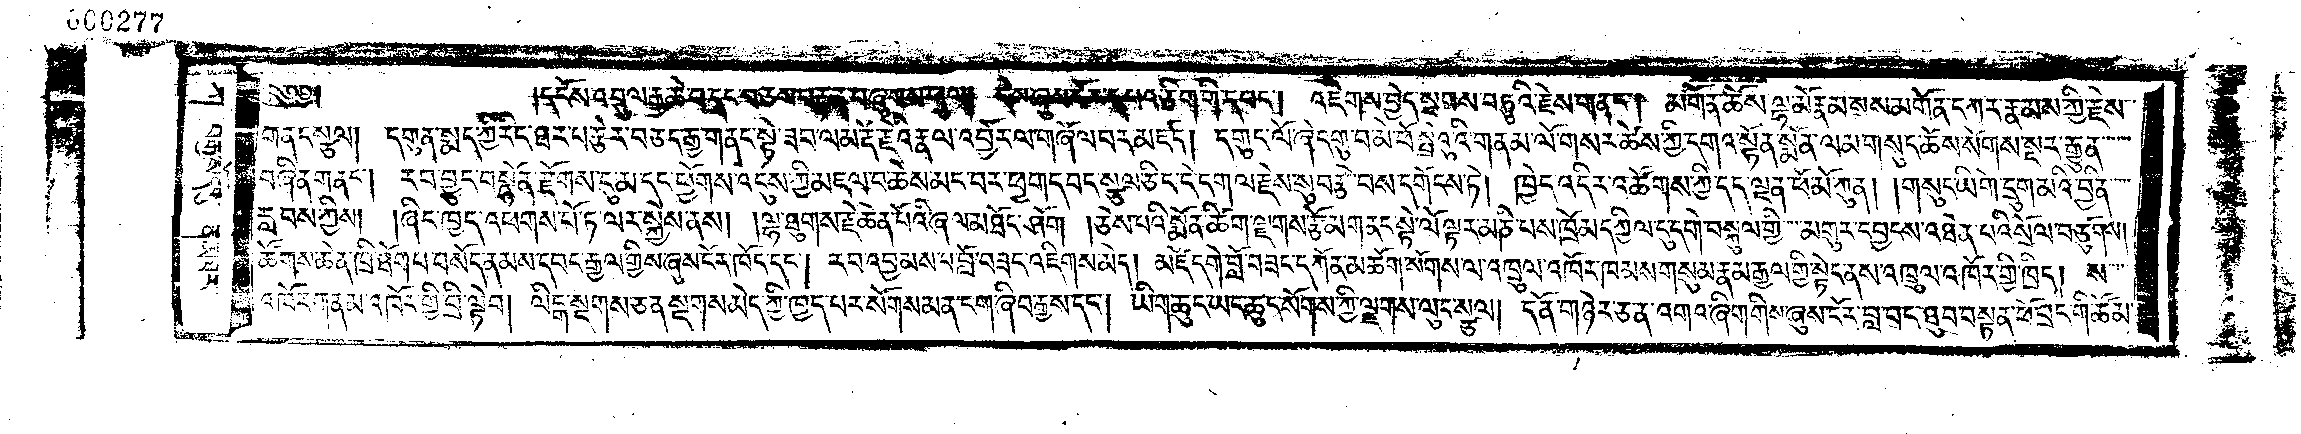༄༅། །དངོས་འབུལ་རྒྱ་ཆེ་བ་དང་བཅས་བརྟན་བཞུགས་ཕུལ། དེས་ཞུས་ངོར་དཔའ་ཅིག་གི་དབང་། འཇིགས་བྱེད་སྔགས་བཏུའི་རྗེས་གནང་། མགོན་ཆོས་ལྷ་མོ་རྣམ་སྲས་མགོན་དཀར་རྣམས་ཀྱི་རྗེས་
གནང་སྩལ། དགུན་སྨད་ཀྱི་རིང་ཐར་པ་རྩེར་བཅད་རྒྱ་གནང་སྟེ་ཟབ་ལམ་རྡོ་རྗེའི་རྣལ་འབྱོར་ལ་གཞོལ་བར་མཛད། དགུང་ལོ་ཞེ་དགུ་པ་མེ་ཕོ་སྤྲེའུའི་གནམ་ལོ་གསར་ཚེས་ཀྱི་དགའ་སྟོན་སྨོན་ལམ་གསུང་ཆོས་སོགས་སྔར་རྒྱུན་
བཞིན་གནང་། རབ་བྱུང་བསྙེན་རྫོགས་དུ་མ་དང་ཕྱོགས་འདུས་ཀྱི་མཇལ་བ་ཆེས་མང་བར་ཕྱག་དབང་སྩལ་ཅིང་དེ་དག་ལ་རྗེས་སུ་བརྩེ་བས་དགོངས་ཏེ། ཁྱེད་འདིར་འཚོགས་ཀྱི་དད་ལྡན་ཕོ་མོ་ཀུན། །གསུང་ཡི་གེ་དྲུག་མའི་བྱིན་
རླབས་ཀྱིས། །ཞིང་ཁྱད་འཕགས་པོ་ཏ་ལར་སྐྱེས་ནས། །ལྷ་ཐུགས་རྗེ་ཆེན་པོའི་ཞལ་མཐོང་ཤོག །ཅེས་པའི་སྨོན་ཚིག་ལྗགས་རྩོམ་གནང་སྟེ་ལོ་ལྟར་མ་ཎི་པས་ཁྲོམ་དཀྱིལ་དུ་དགེ་བསྐུལ་གྱི་མགུར་དབྱངས་འཐེན་པའི་སྲོལ་བཙུགས།
ཚོགས་ཆེན་ཁྲི་ཐོག་པ་བསོད་ནམས་དབང་རྒྱལ་གྱིས་ཞུས་ངོར་ཁོང་དང་། རབ་འབྱམས་པ་བློ་བཟང་འཇིགས་མེད། མཛོ་དགེ་བློ་བཟང་དཀོན་མཆོག་སོགས་ལ་འཁྲུལ་འཁོར་ཁམས་གསུམ་རྣམ་རྒྱལ་གྱི་སྟེང་ནས་འཁྲུལ་འཁོར་གྱི་ཁྲིད། ས་
འཁོར་གནམ་འཁོར་གྱི་པྲི་ལྟེ་བ། ལིངྒ་སྔགས་ཅན་སྔགས་མེད་ཀྱི་ཁྱད་པར་སོགས་མན་ངག་ཞི་བ་རྒྱས་དང་། ཡིག་ཆུང་ཡང་ཆུང་སོགས་ཀྱི་ལྗགས་ལུང་སྩལ། དོན་གཉེར་ཅན་འགའ་ཞིག་གིས་ཞུས་ངོར་བླ་བྲང་ཐུབ་བསྟན་ཕོ་བྲང་གི་ཚོམ་